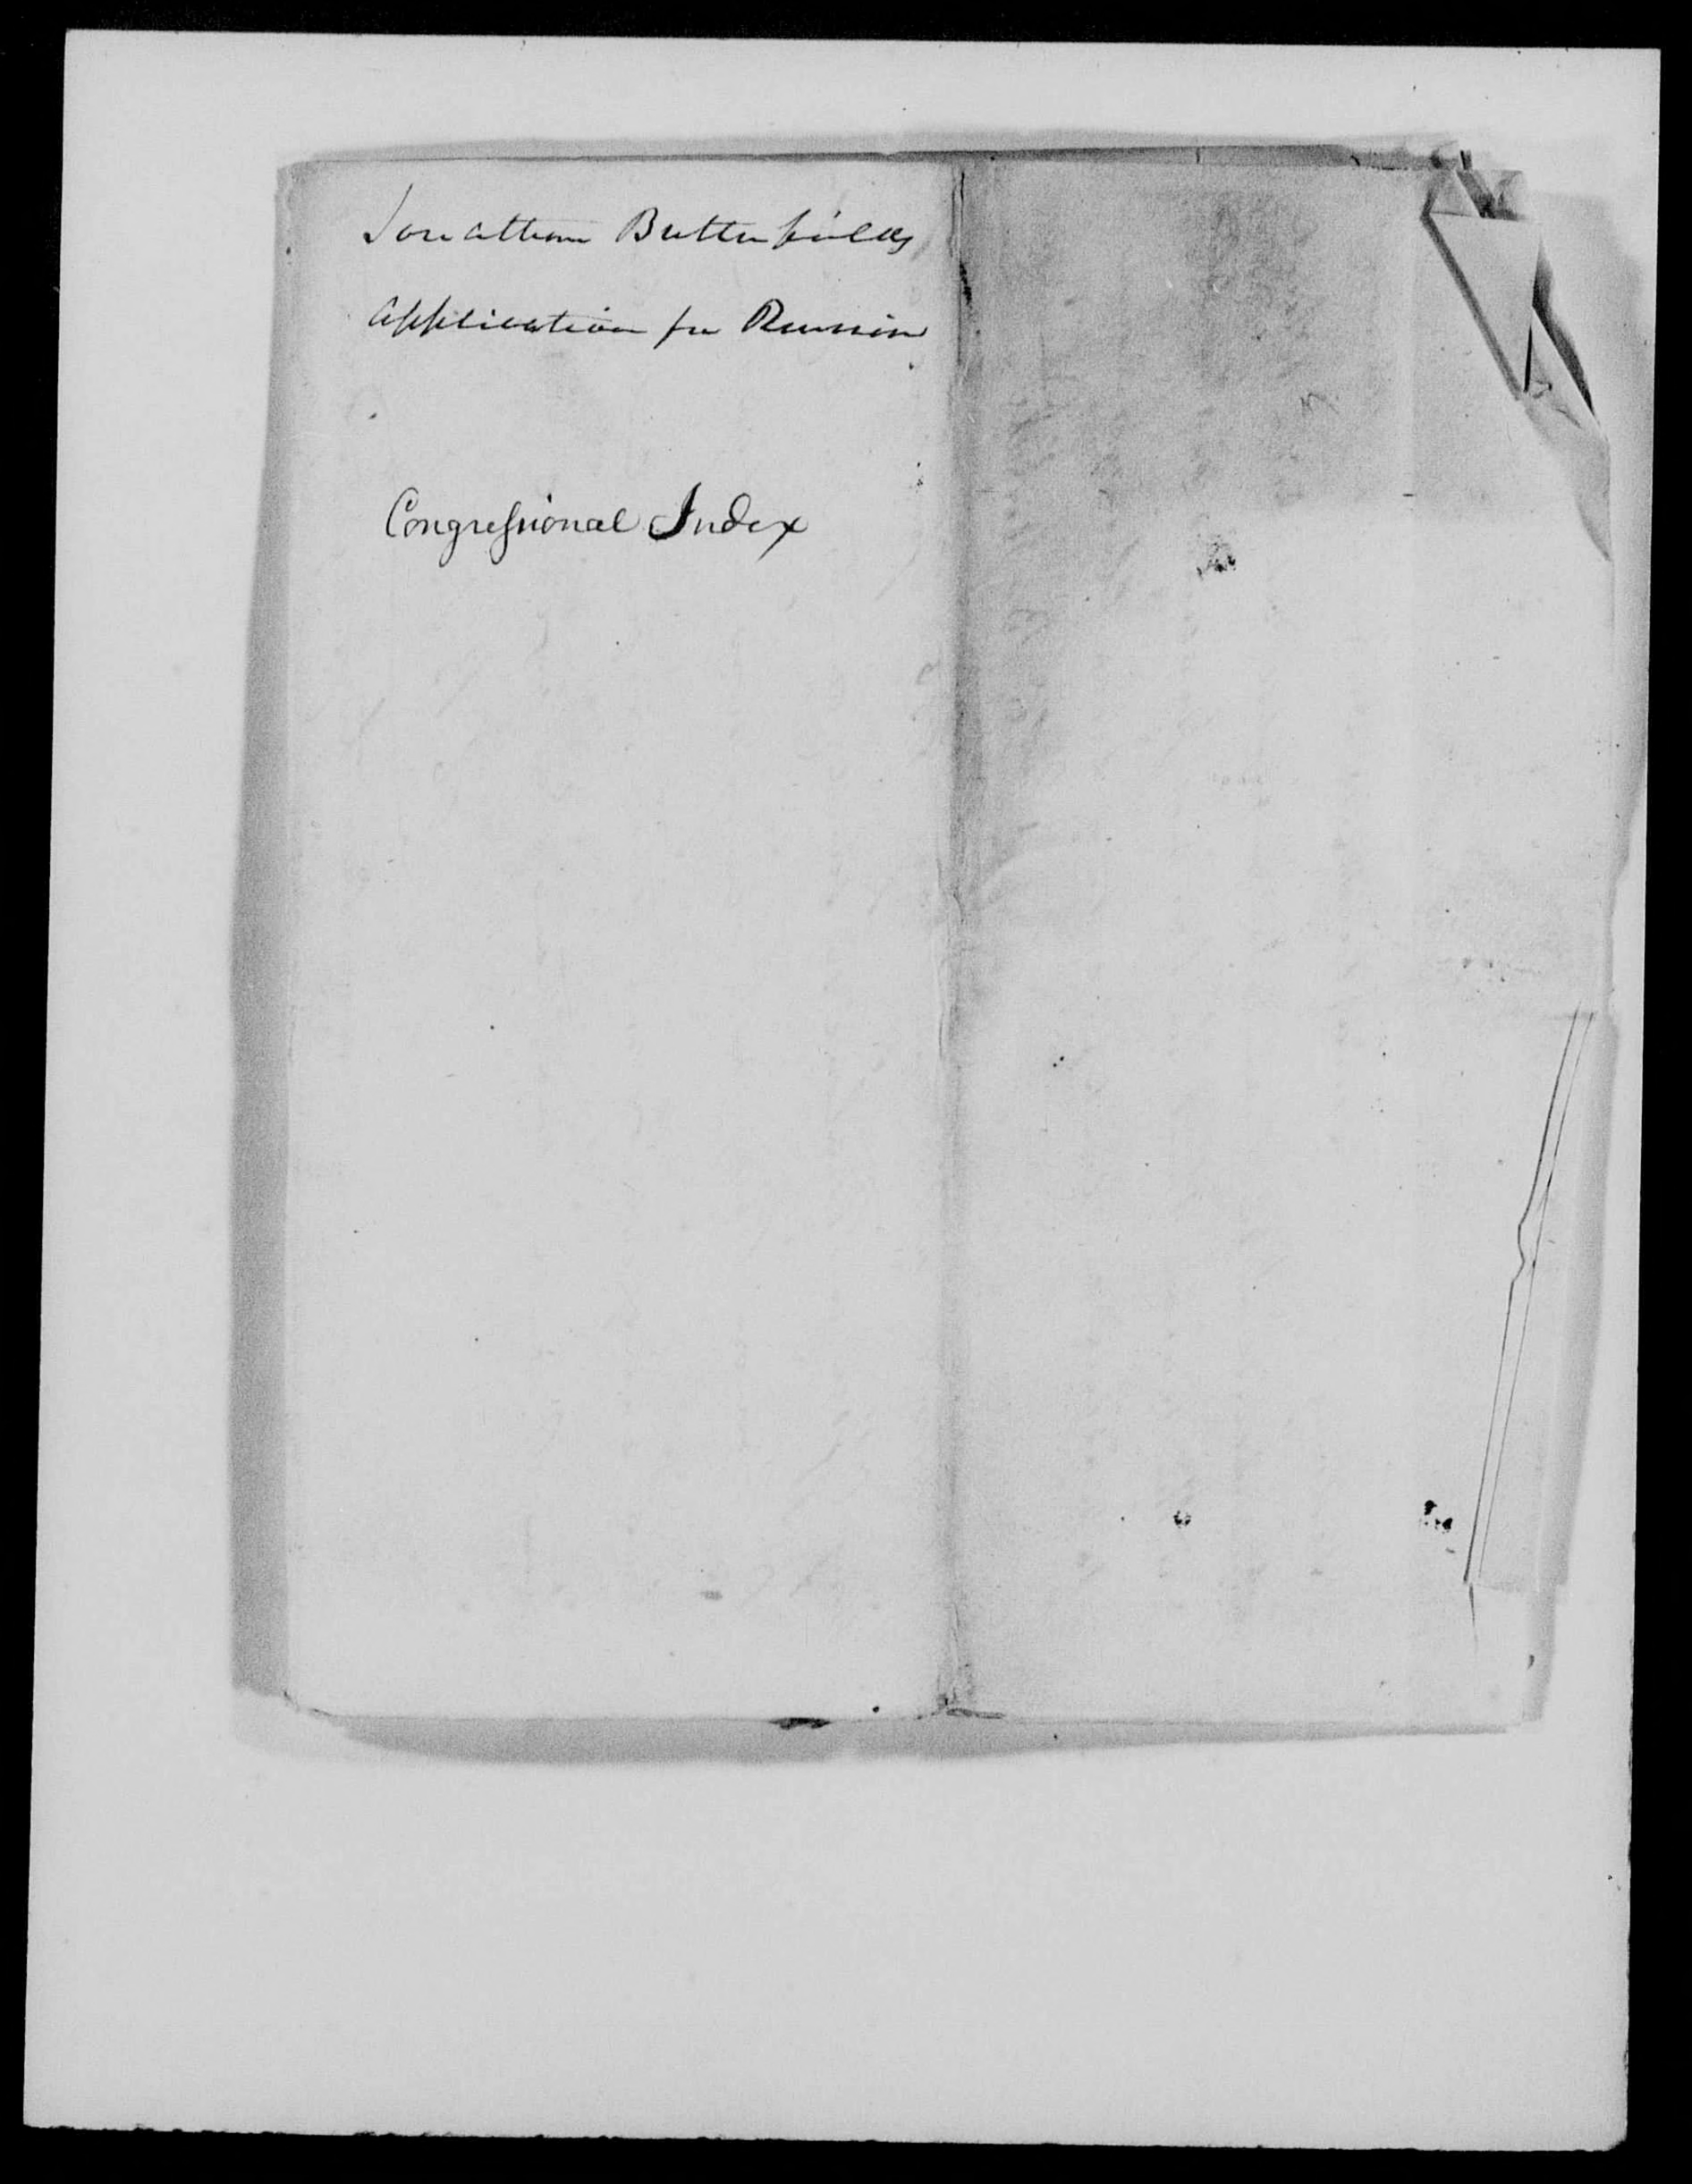Jonathan Butterfield
application for Pension
Congressional Index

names: Jonathan Butterfield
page: 6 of 40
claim: rejected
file: R. 1558, Jonathan Butterfield, Mass. Vt.